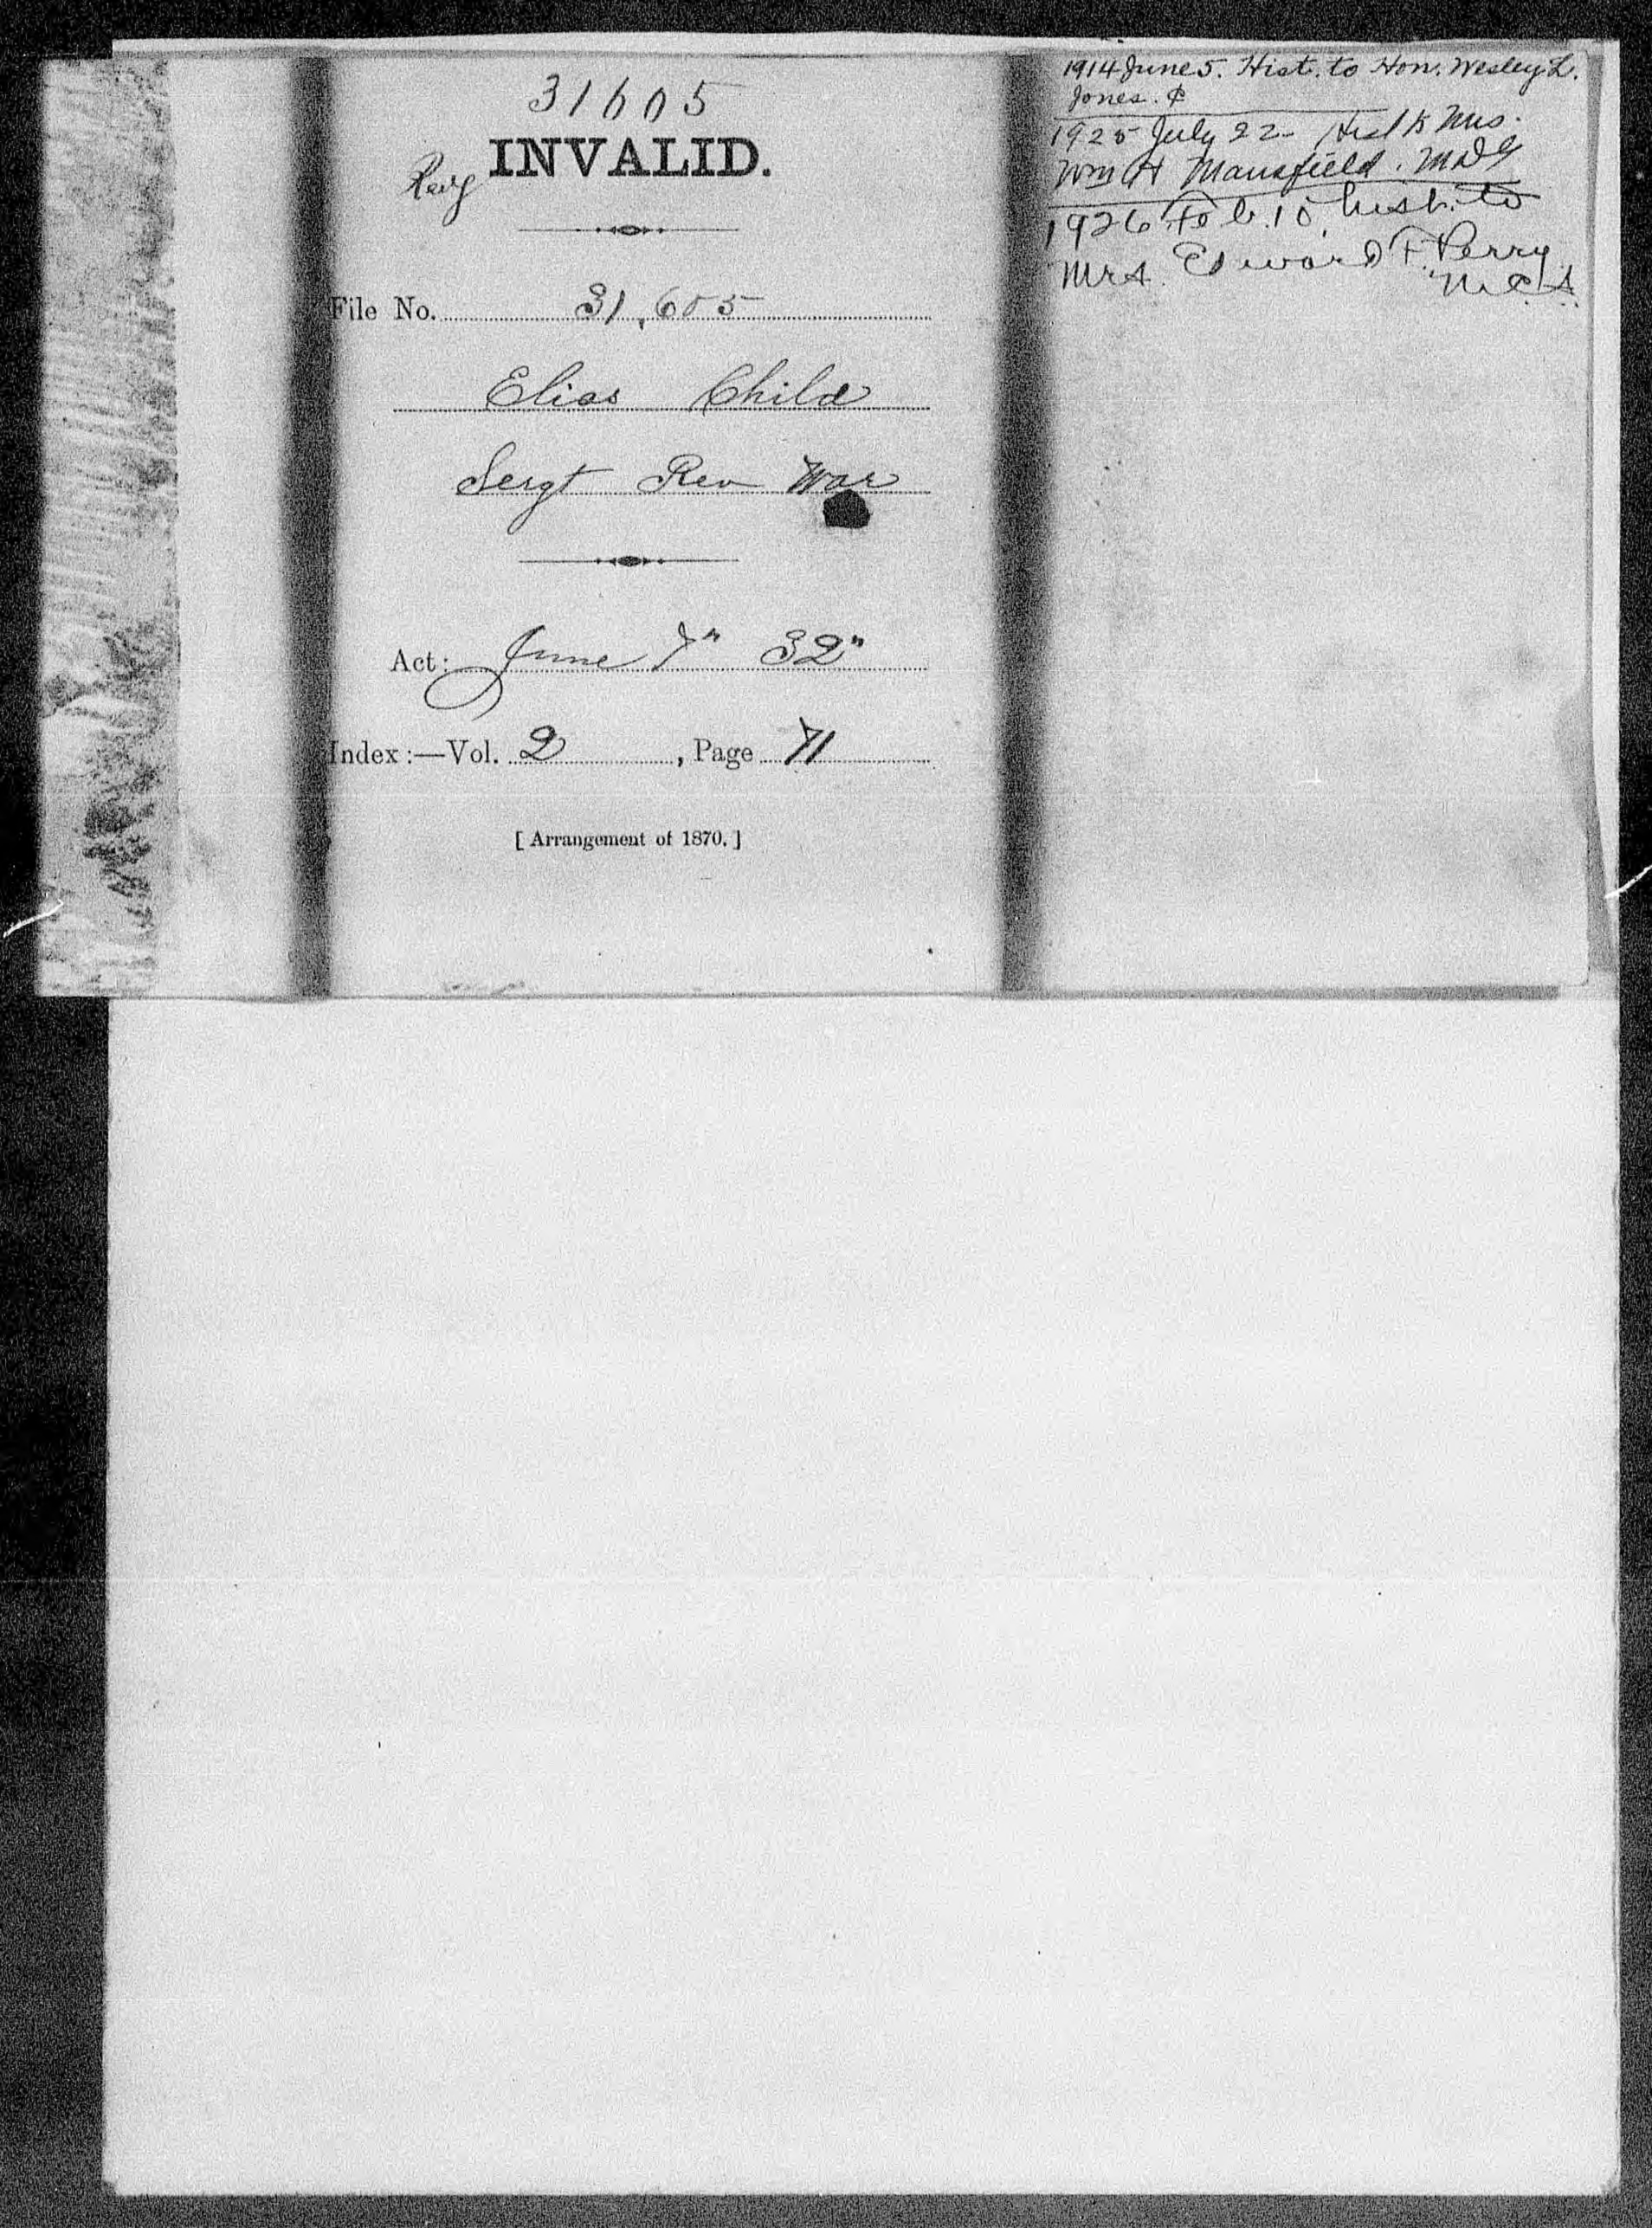31605
Reg INVALID.
File No. 31,605
Elias Child
Sergt Rev War
Act: June 7th 32
Index: - Vol. 2, Page 71
[Arrangement of 1870.]

1914 June 5. Hist. to Hon. Wesley L. Jones. &
1925 July 22 - Hist to Mrs. Wm H Mansfield. WDC
1926 Feb 10, Hist to Mrs. Edward & Perry MCA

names: Wesley L Jones, Wm H Mansfield, Edward F Perry, Elias Child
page: 33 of 34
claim: survivor's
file: S. 31,605, Elias Child, Conn.